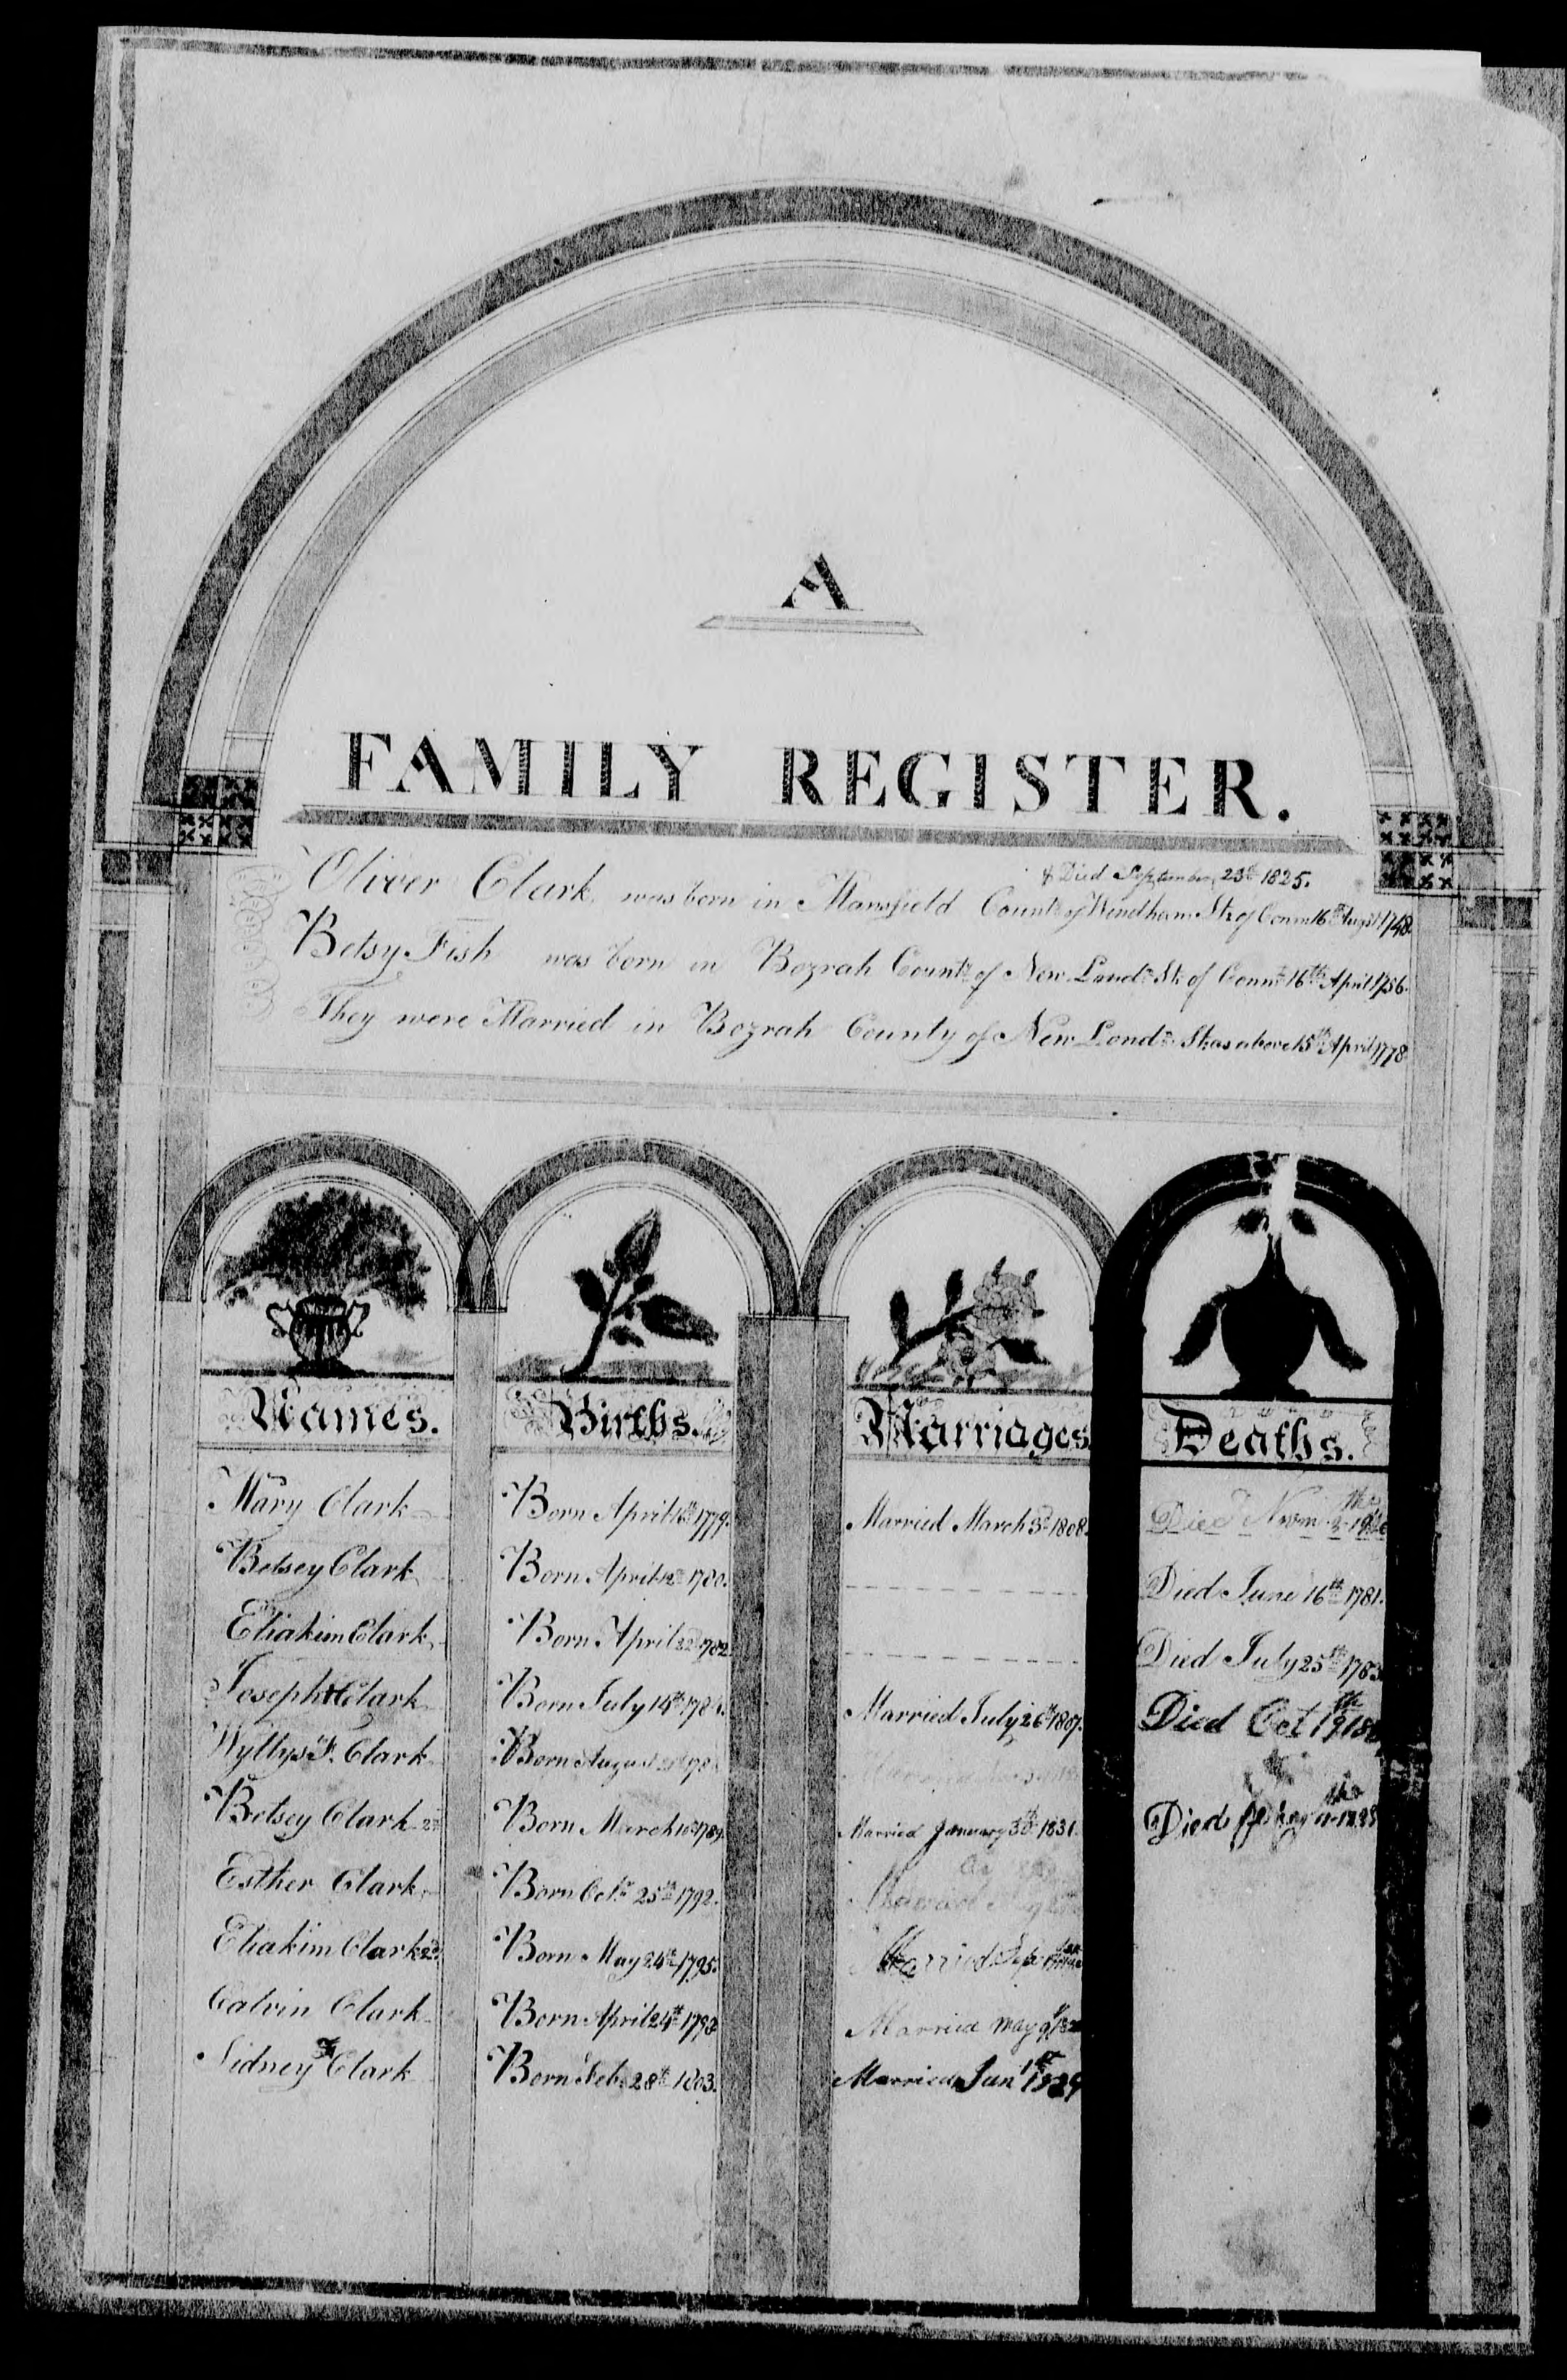[printed page filled out in handwriting]
Family Register
Olliver Clark was born in Mansfield County of Windham Ste of Conn 16th April 1748 & Died September 23rd 1825.
Betsy Fish was born in Bozrah County of New Lond Ste of Conn 16th Aprill 1756
They were Married in Bozrah County of New Lond Ste as above 15th April 1778
[following is a section with 4 columns “Names.” “Births.” “Marriages” & “Deaths.”]
Mary Clark/Born April 16th 1779./Married March 3d 1808./Died Novm 3rd, 1826.
Betsey Clark/Born April 12, 1780/Died June 16th, 1781.
Eliakim Clark/Born April 22, 1782/Died July 25th, 1783.
Joseph Clark/Born July 14th, 1784/Married July 26th, 1807./Died Oct 19th, 1834.
Wyllys F. Clark/Born August 21, 178-/Married November 5, 1819.
Betsey Clark 2nd/Born March 10, 1789/Married January 30th, 1831.
Esther Clark/Born Oct 25th, 1792/Married Aug 2 [illegible]
Eliakim Clark 2nd/Born May 24th, 1795/Married Sep [illegible]
Calvin Clark/Born April 24th, 1798/Married May 9th, 1822.
Sidney F. Clark/Born Febr 28th, 1803/Married Jan 1st, 1829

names: Esther Clark, Wyllys F Clark, Betsey Clark, Joseph Clark, Sidney Clark, Mary Clark, Eliakim Clark, Betsey Clark, Oliver Clark, Betsy Fish, Eliakim Clark, Calvin Clark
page: 10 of 51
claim: widow's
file: W. 23816, Oliver Clark, Conn.